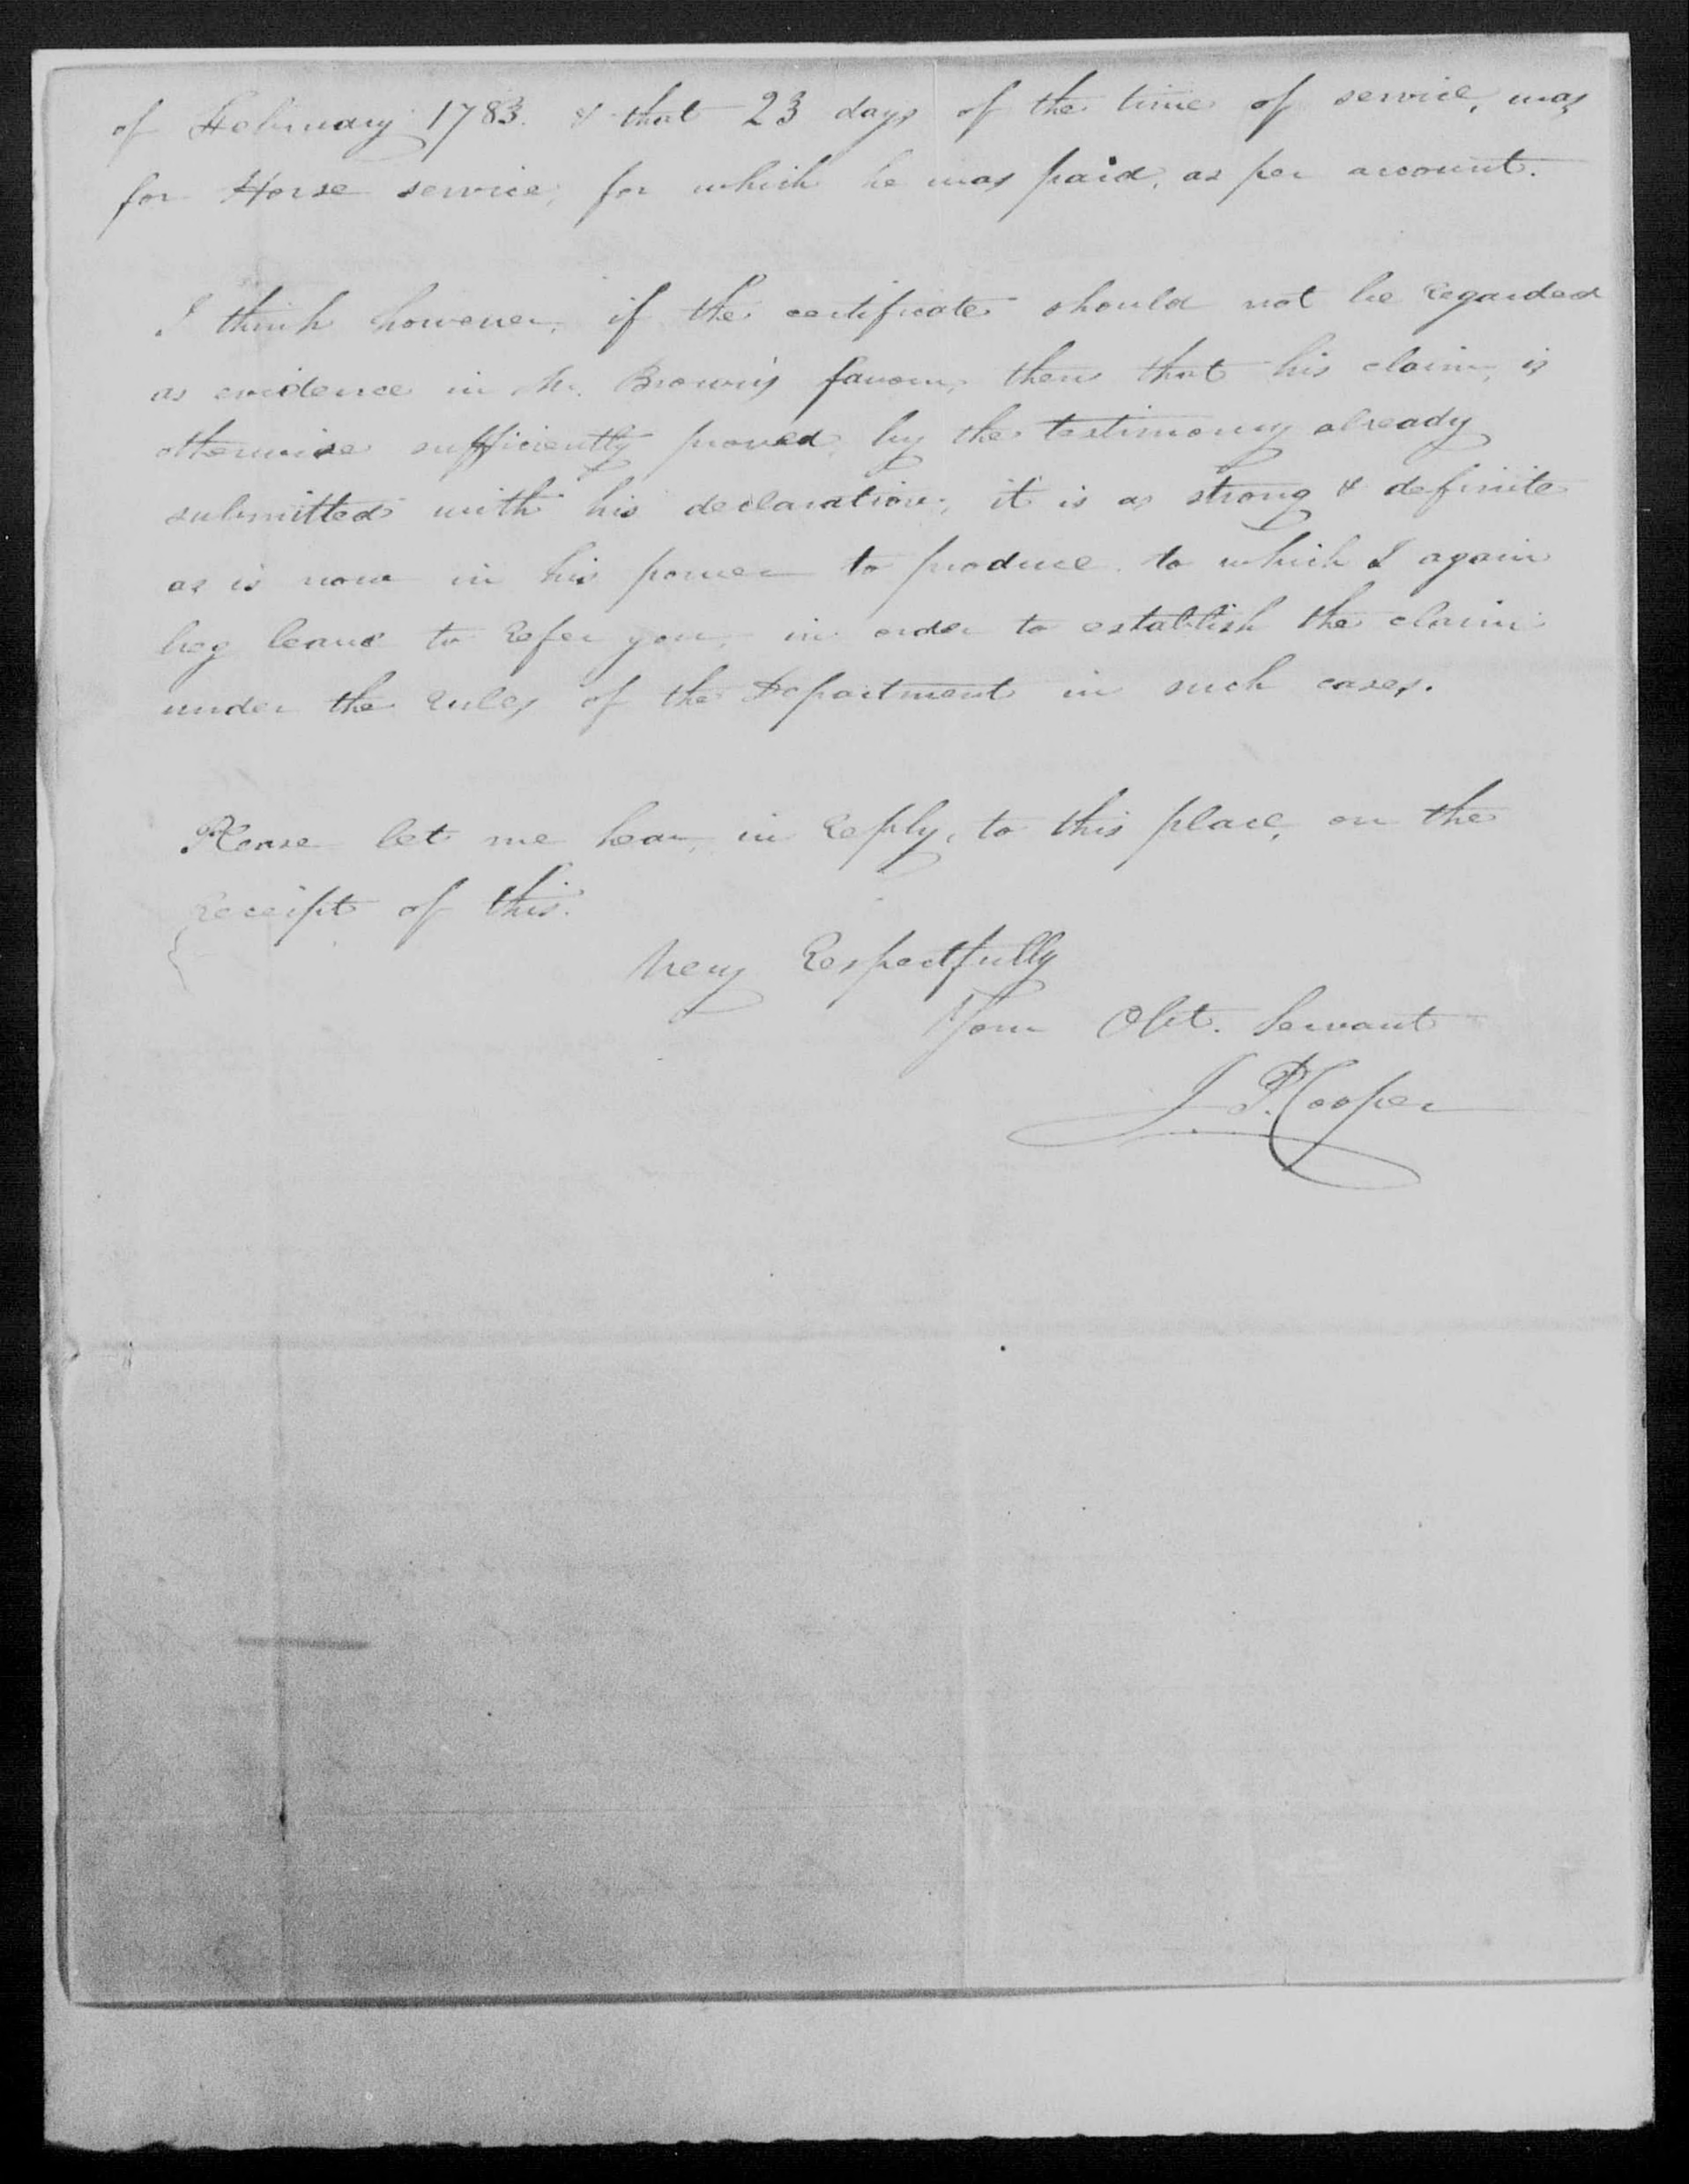of Febmary 1783 & that 23 days of the time of service was
for Horse service, for which he was paid as per account.
I think however, if the certificate should not be regarded as evidence in Mr Browns favour, then that his claim is otherwise sufficiently proved by the testimony already submitted with his declaration, it is as strong & definite
as is now in his power to produce to which I again beg leave to refer you in order to establish the claim
under the rules of the Department in such cases.
Please let me hear in reply to this place on the receipt of this
very Respectfully
Obt. Servant
JP Cooper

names: Brown, J P Cooper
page: 34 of 41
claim: rejected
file: R. 1309, James Brown, S.C.